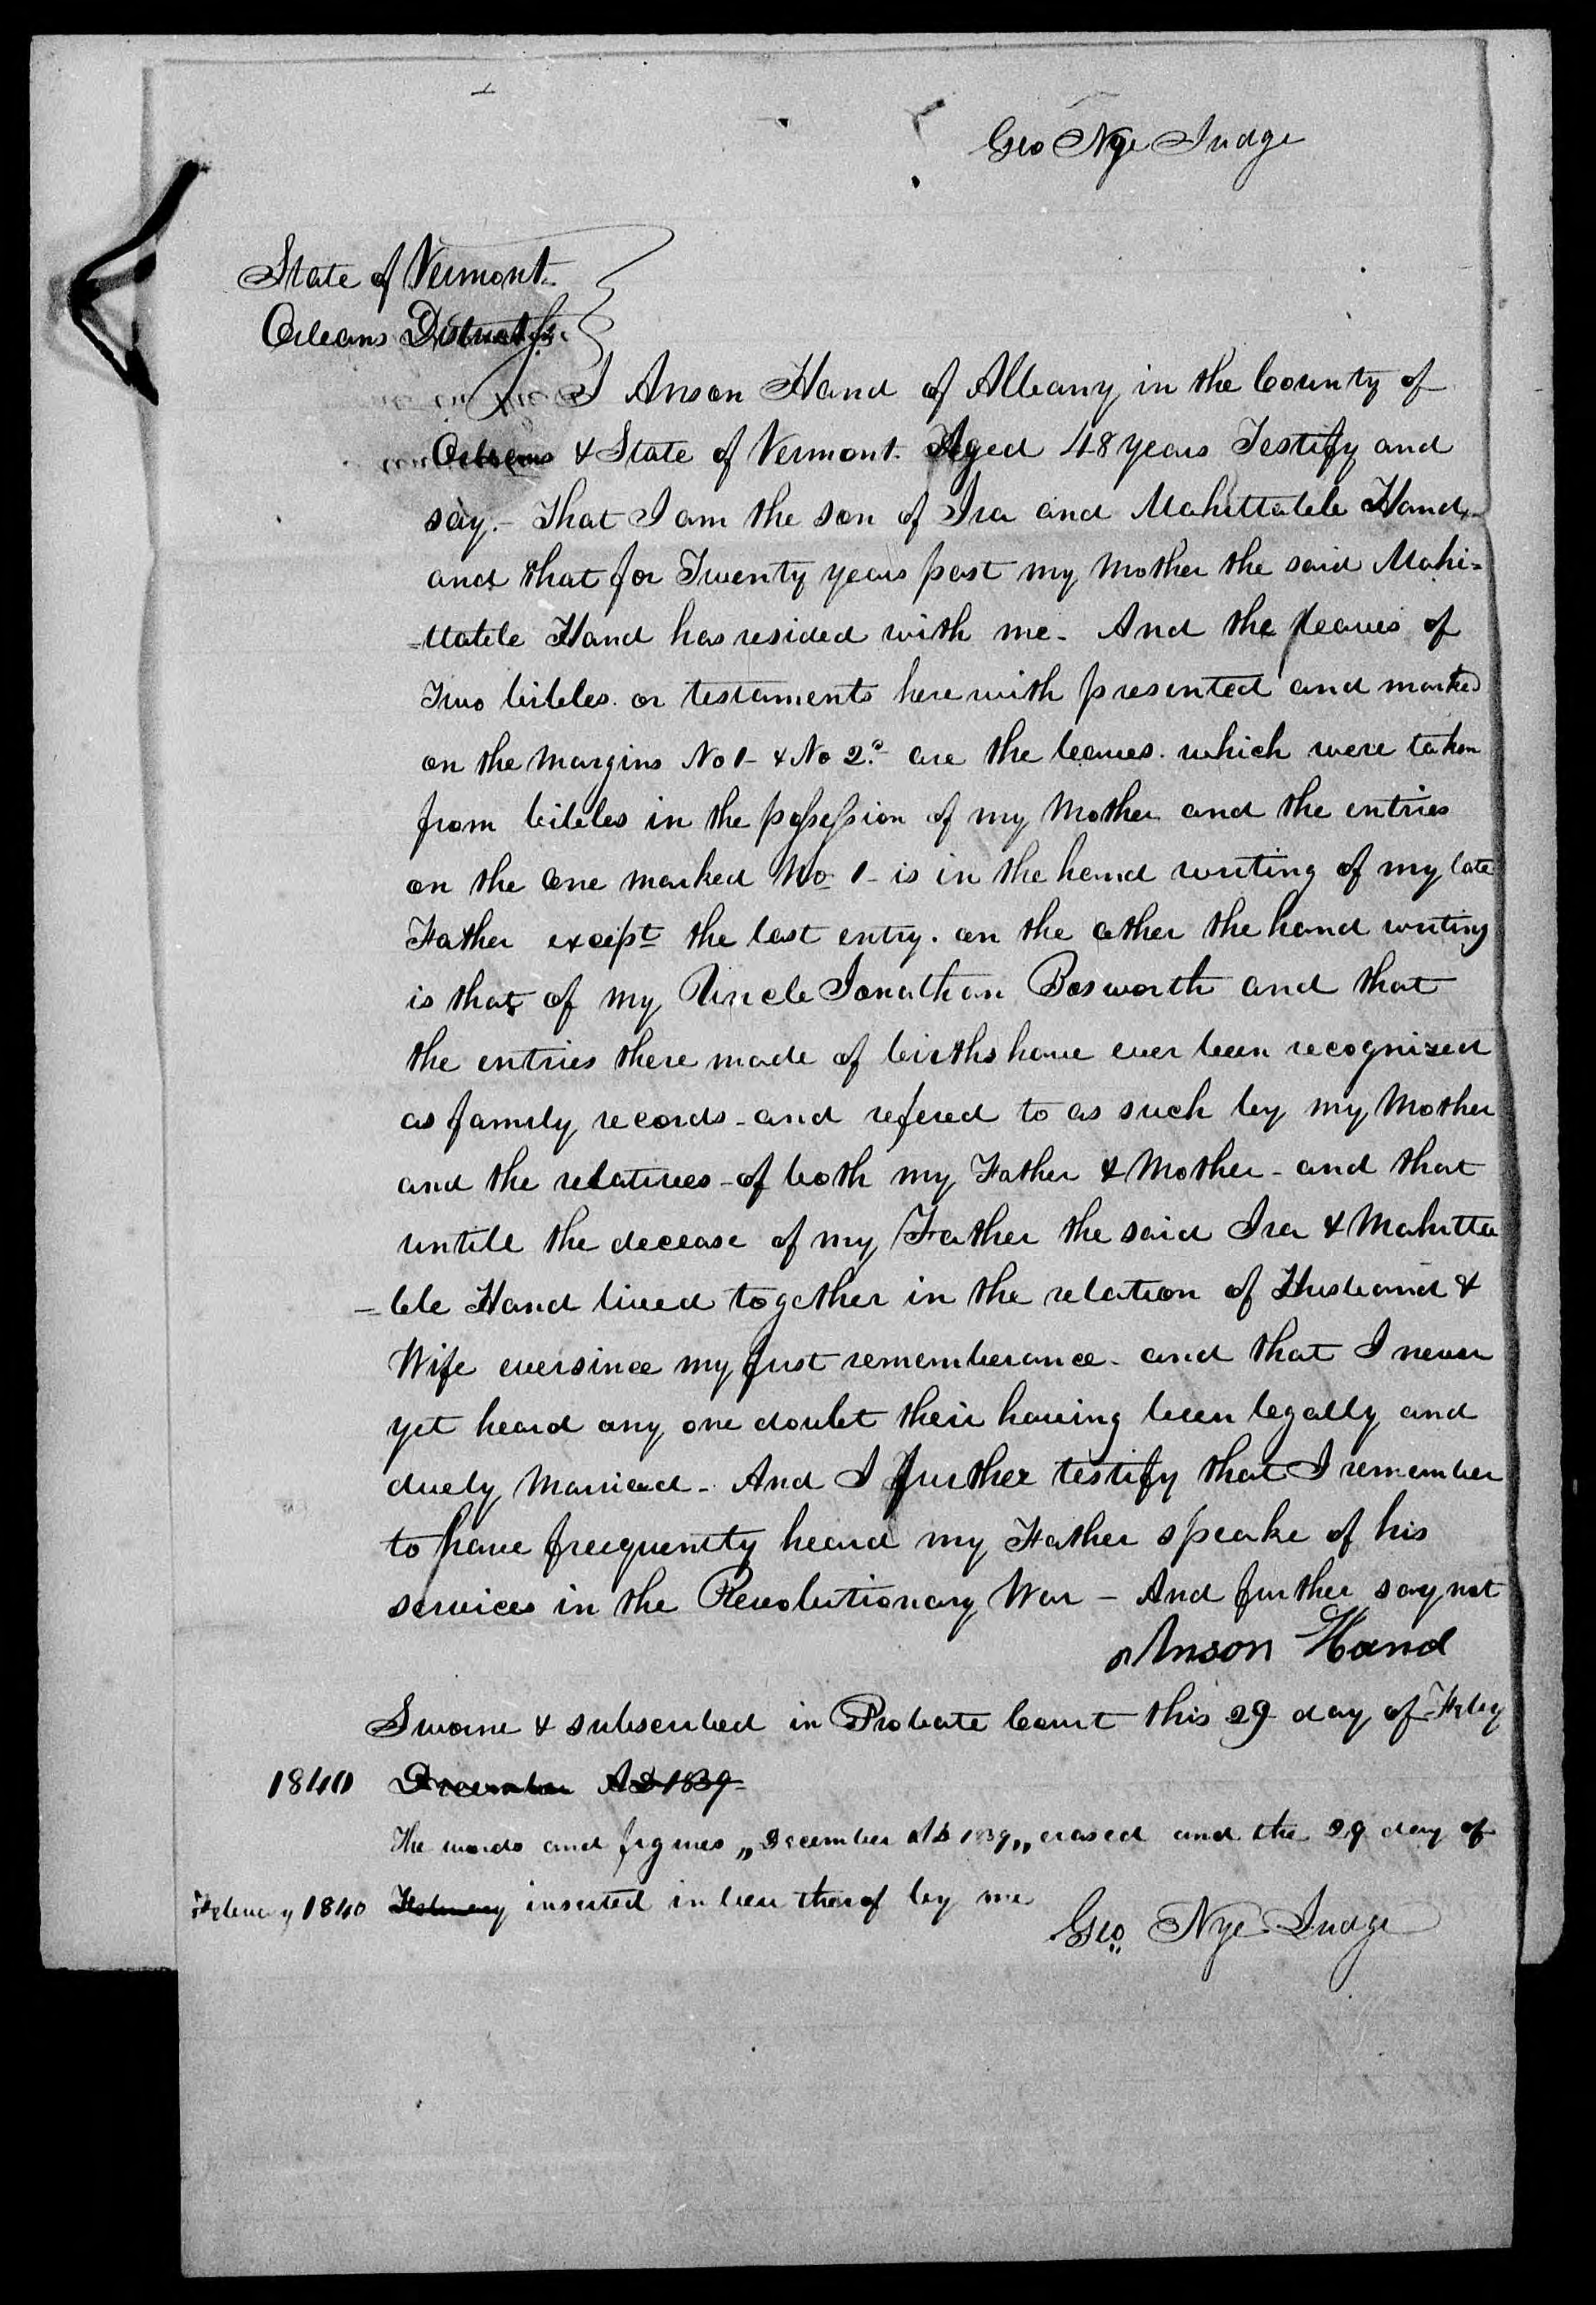Geo Nye Judge
State of Vermont
Orleans District
I Anson Hand of Albany in the County of
Orleans & State of Vermont Aged 48 years testify and say that I am the son of Ira and Mahittabel Hand and that for Twenty years past my mother the said Mahittabel Hand has resided with me. And the leaves of Two bibles or testaments herewith presented and marked
on the margins No 1 & No 2. are the leaves which were taken from bibles in the possession of my mother and the entries
on the one marked No 1 -- is in the hand writing of my late Father except the last entry on the other the hand writing is that of my uncle Jonathan Bosworth and that the
entries there made of births have ever been recognized as family records and referred to as such by my mother and the relatives of both my Father & Mother and that untill the decease of my Father the said Ira & Mahittable Hand lived together in the relation of Husband & wife ever since my first rememberance, and that I never yet heard any one doubt their having been legally and duly married. And I further testify that I remember to have frequently heard my Father speak of his
service in the Revolutionary War - And further say not
Anson Hand
Sworn & subscribed in Probate Court this 29 day of Feby 1840
["December AD 1839" struck through]
The words and figures December 1839, erased and the 29 day of February 1840 inserted thereof by me
Geo. Nye Judge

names: Mahittable Hand, Geo Nye, Ira Hand, Geo Nye, Ira Hand, Anson Hand, Anson Hand, Mahittable Hand, Mahettable Hand, Jonathan Bosworth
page: 8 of 42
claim: widow's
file: W. 19,722, Ira Hand, N.H. Vt.